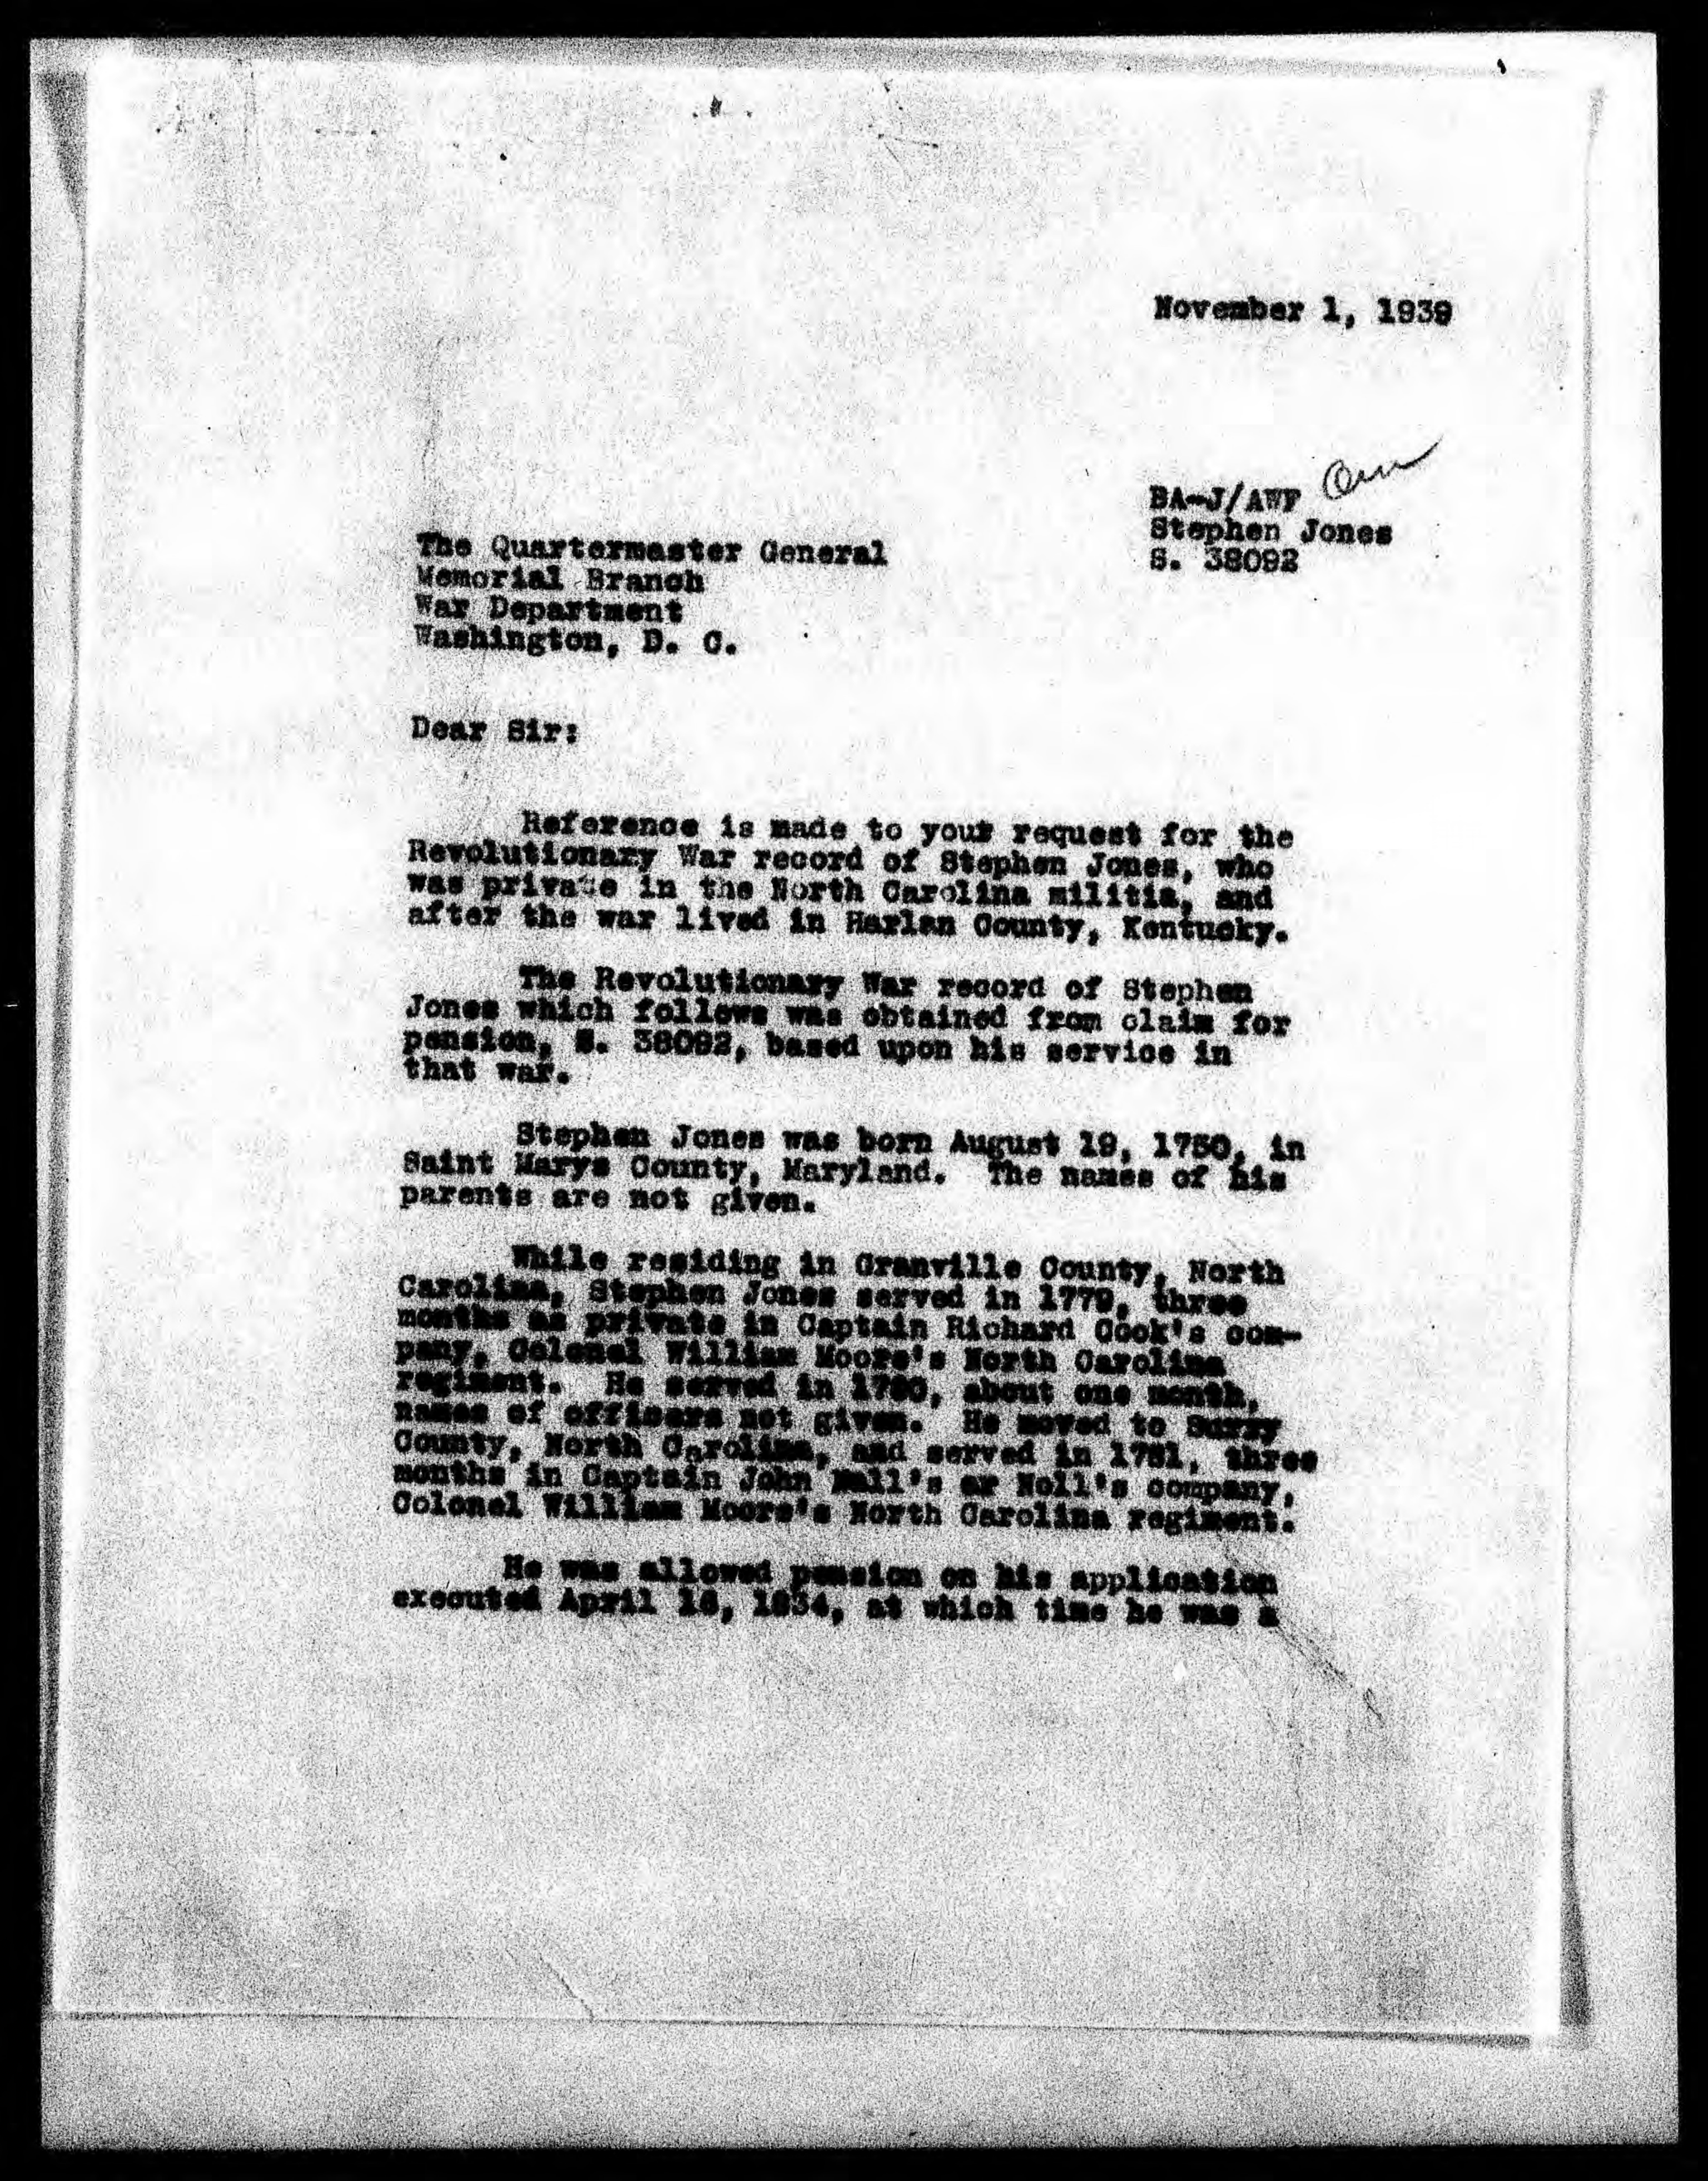November 1, 1939

BA-J/AWF
Stephen Jones
S. 38092

The Quartermaster General
Memorial Branch
War Department
Washington, D. C.

Dear Sir:

Reference is made to your request for the 
Revolutionary War record of Stephen Jones, who 
was private in the North Carolina militia, and 
after the war lived in Harlan County, Kentucky.

The Revolutionary War record of Stephen
Jones which follows was obtained from claim for 
pension, S. 38092, based upon his service in 
that war.

Stephen Jones was born August 19, 1750, in 
Saint Marys County, Maryland.  The names of his 
parents are not given.

While residing in Granville County, North
Carolina, Stephen Jones served in 1779, three
months as private in Captain Richard Cook's company,
Colonel William Moore's North Carolina
regiment.  He served in 1780, about one month,
names of officers not given.  He moved to Surry
County, North Carolina, and served in 1781, three 
months in Captain John Nall's or Nell's company
Colonel William Moore's North Carolina regiment.

He was allowed pension on his application
executed April 16, 1834, at which time he was a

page: 16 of 17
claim: survivor's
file: S. 38092, for Stephen Jones, North Carolina